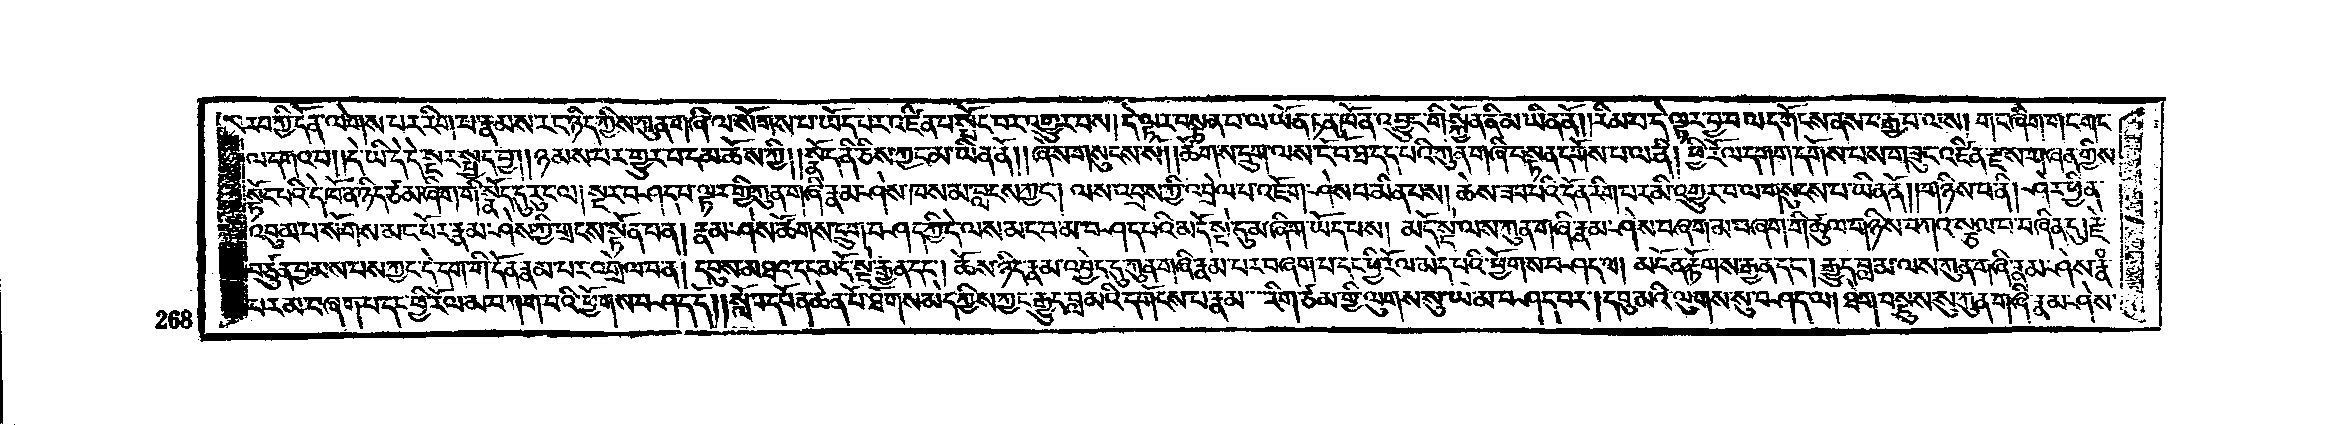རབ་ཀྱི་དོན་ལེགས་པར་རིག་པ་རྣམས་རང་ཉིད་ཀྱིས་ཀུན་གཞི་ལ་སོགས་པ་ཡོད་པར་འཛིན་པ་སྤོང་བར་འགྱུར་བས། དེ་ལྟར་བསྟན་པ་ལ་ཡོན་ཏན་ཁོ་ན་འབྱུང་གི་སྐྱོན་ནི་མ་ཡིན་ནོ། །རིམ་པ་དེ་ལྟར་བྱ་བ་ལ་དགོངས་ནས་བརྒྱ་པ་ལས། གང་ཞིག་གང་གང་
ལ་དགའ་བ། །དེ་ཡི་དེ་དེ་སྔར་སྤྱད་བྱ། །ཉམས་པར་གྱུར་པ་དམ་ཆོས་ཀྱི། །སྣོད་ནི་ཅིས་ཀྱང་མ་ཡིན་ནོ། །ཞེས་གསུངས་སོ། །ཚོགས་དྲུག་ལས་ངོ་བོ་ཐ་དད་པའི་ཀུན་གཞི་བསྟན་དགོས་པ་ལ་ནི། ཕྱི་རོལ་དགག་དགོས་པས་གཟུང་འཛིན་རྫས་གཞན་གྱིས་
སྟོང་པའི་དེ་ཁོ་ན་ཉིད་ཙམ་ཞིག་གི་སྣོད་དུ་རུང་ལ། སྔར་བཤད་པ་ལྟར་གྱི་ཀུན་གཞི་རྣམ་ཤེས་ཁས་མ་བླངས་ཀྱང་། ལས་འབྲས་ཀྱི་འབྲེལ་པ་འཇོག་ཤེས་པ་མིན་པས། ཆེས་ཟབ་པའི་དོན་རིག་པར་མི་འགྱུར་བ་ལ་གསུངས་པ་ཡིན་ནོ། །གཉིས་པ་ནི། ཤེར་ཕྱིན་
འབུམ་པ་སོགས་མང་པོར་རྣམ་ཤེས་ཀྱི་གྲངས་སྟོན་པ་ན། རྣམ་ཤེས་ཚོགས་དྲུག་བཤད་ཀྱི་དེ་ལས་མང་བ་མ་བཤད་པའི་མདོ་སྡེ་དུ་མ་ཞིག་ཡོད་པས། མདོ་སྡེ་ལས་ཀུན་གཞི་རྣམ་ཤེས་བཞག་མ་བཞག་གི་ཚུལ་གཉིས་བཀའ་སྩལ་པ་བཞིན་དུ། རྗེ་
བཙུན་བྱམས་པས་ཀྱང་དེ་དག་གི་དོན་རྣམ་པར་འགྲེལ་བ་ན། དབུས་མཐའ་དང་མདོ་སྡེ་རྒྱན་དང་། ཆོས་ཉིད་རྣམ་འབྱེད་དུ་ཀུན་གཞི་རྣམ་པར་བཞག་པ་དང་ཕྱི་རོལ་མེད་པའི་ཕྱོགས་བཤད་ལ། མངོན་རྟོགས་རྒྱན་དང་། རྒྱུད་བླ་མ་ལས་ཀུན་གཞི་རྣམ་ཤེས་རྣམ་
པར་མ་བཞག་པ་དང་ཕྱི་རོལ་མ་བཀག་པའི་ཕྱོགས་བཤད་དེ། །སློབ་དཔོན་ཆེན་པོ་ཐོགས་མེད་ཀྱིས་ཀྱང་རྒྱུད་བླ་མའི་དགོངས་པ་རྣམ་རིག་ཙམ་གྱི་ལུགས་སུ་ཡི་མ་བཤད་པར། དབུ་མའི་ལུགས་སུ་བཤད་ལ། ཐེག་བསྡུས་སུ་ཀུན་གཞི་རྣམ་ཤེས་